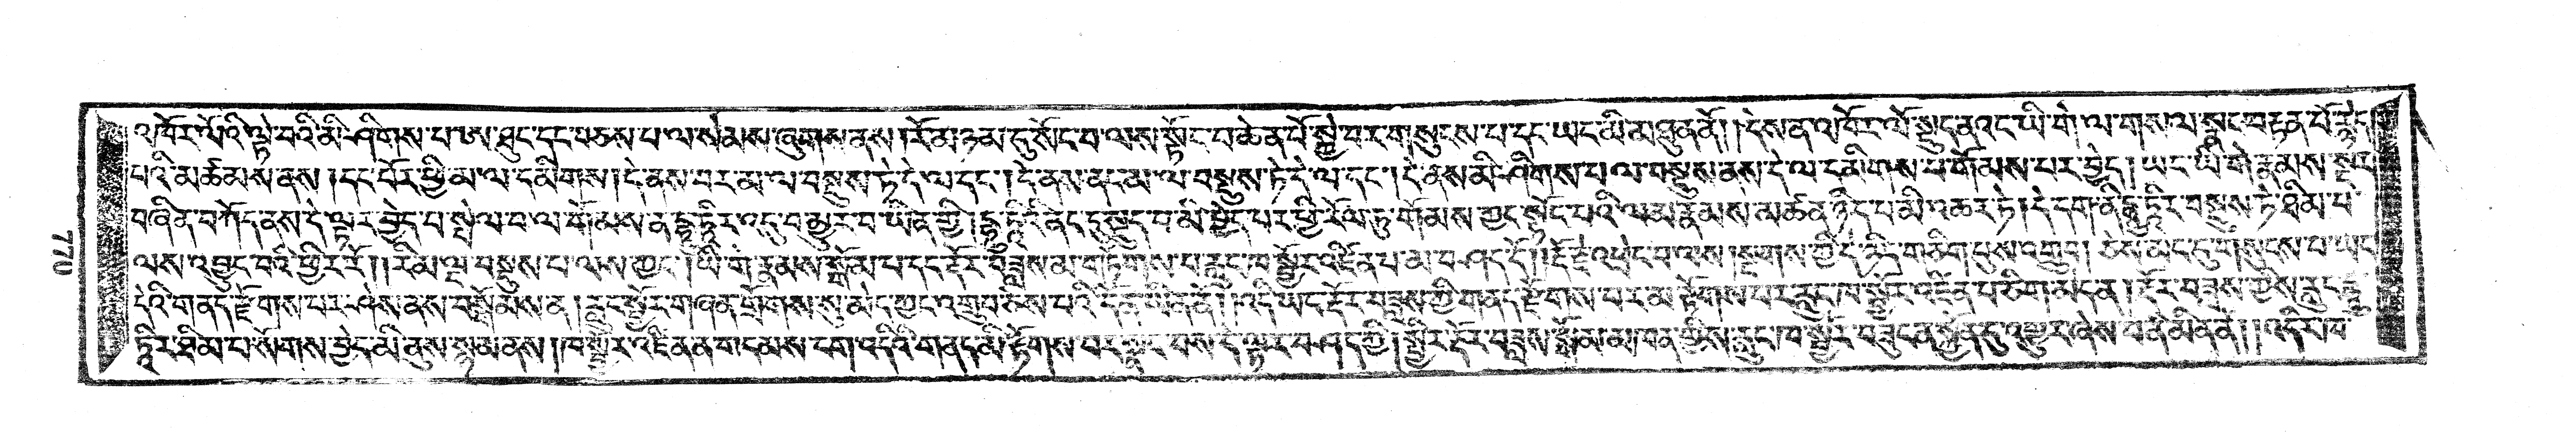འཁོར་ལོའི་ལྟེ་བའི་མི་ཤིགས་པ་ཨ་ཐུང་དང་བཅས་པ་ལ་སེམས་ཞུགས་ནས། རོ་མཉམ་དུ་སོང་བ་ལས་སྟོང་པ་ཆེན་པོ་སྐྱེ་བར་གསུངས་པ་དང་ཡང་མི་མཐུན་ནོ། །དེས་ན་འཁོར་ལོ་སྡུད་ནའང་ཡི་གེ་ལ་གསལ་སྣང་བརྟན་པོ་རྙེད་
པའི་མཚམས་ནས། དང་པོར་ཕྱི་མ་ལ་དམིགས། དེ་ནས་བར་མ་ལ་བསྡུས་ཏེ་དེ་ལ་དང་། དེ་ནས་ནང་མ་ལ་བསྡུས་ཏེ་དེ་ལ་དང་། དེ་ནས་མི་ཤིགས་པ་ལ་བསྡུས་ནས་དེ་ལ་དམིགས་པ་གོམས་པར་བྱེད། ཡང་ཡི་གེ་རྣམས་སྔར་
བཞིན་བཀོད་ནས་དེ་ལྟར་བྱེད་པ་སྤེལ་བ་ལ་གོམས་ན་དྷཱུ་ཏཱིར་འདུ་བ་མྱུར་བ་ཡིན་གྱི། དྷཱུ་ཏཱིའི་ནང་དུ་སྡུད་པ་མི་བྱེད་པར་ཕྱི་རོལ་ཏུ་གོམས་ཀྱང་སྟོང་པའི་ལམ་རྣམས་མཚན་ཉིད་པ་མི་འཆར་ཏེ། དེ་དག་ནི་དྷཱུ་ཏཱིར་བསྡུས་ཏེ་ཐིམ་པ་
ལས་འབྱུང་བའི་ཕྱིར་རོ། །རིམ་ལྔ་བསྡུས་པ་ལས་ཀྱང་། ཡི་གེ་རྣམས་སྒོམ་པ་དང་རྡོར་བཟླས་མ་གཏོགས་པ་རླུང་ཁ་སྦྱོར་འཛིན་པ་མ་བཤད་དོ། །རྡོ་རྗེ་འཕྲེང་བ་ལས། སྔགས་ཀྱི་དེ་ཉིད་གཅིག་པུས་འགྲུབ། ཅེས་མང་དུ་གསུངས་པ་ཡང་
དེའི་གནད་རྫོགས་པར་ཤེས་ནས་བསྒོམས་ན། རླུང་སྦྱོར་གཞན་གྲོགས་སུ་མེད་ཀྱང་འགྲུབ་ཅེས་པའི་དོན་ཡིན་ནོ། །འདི་ཡང་རྡོར་བཟླས་ཀྱི་གནད་རྫོགས་པར་མ་རྟོགས་པར་རླུང་ཁ་སྦྱོར་འཛིན་པ་ཅིག་མེད་ན། རྡོར་བཟླས་ཀྱིས་རླུང་དྷཱུ་
ཏཱིར་ཐིམ་པ་སོགས་བྱེད་མི་ནུས་སྙམ་ནས། ཁ་སྦྱོར་འཛིན་ན་གདམས་ངག་འདིའི་གནད་མི་རྟོགས་པར་སྣང་བས་དེ་ལྟར་བཤད་ཀྱི། སྤྱིར་རྡོར་བཟླས་སྒོམ་མཁན་གྱིས་རླུང་ཁ་སྦྱོར་བཟུང་ན་སྐྱོན་དུ་འགྱུར་ཞེས་པ་ནི་མིན་ནོ། །འདིར་ཁ་